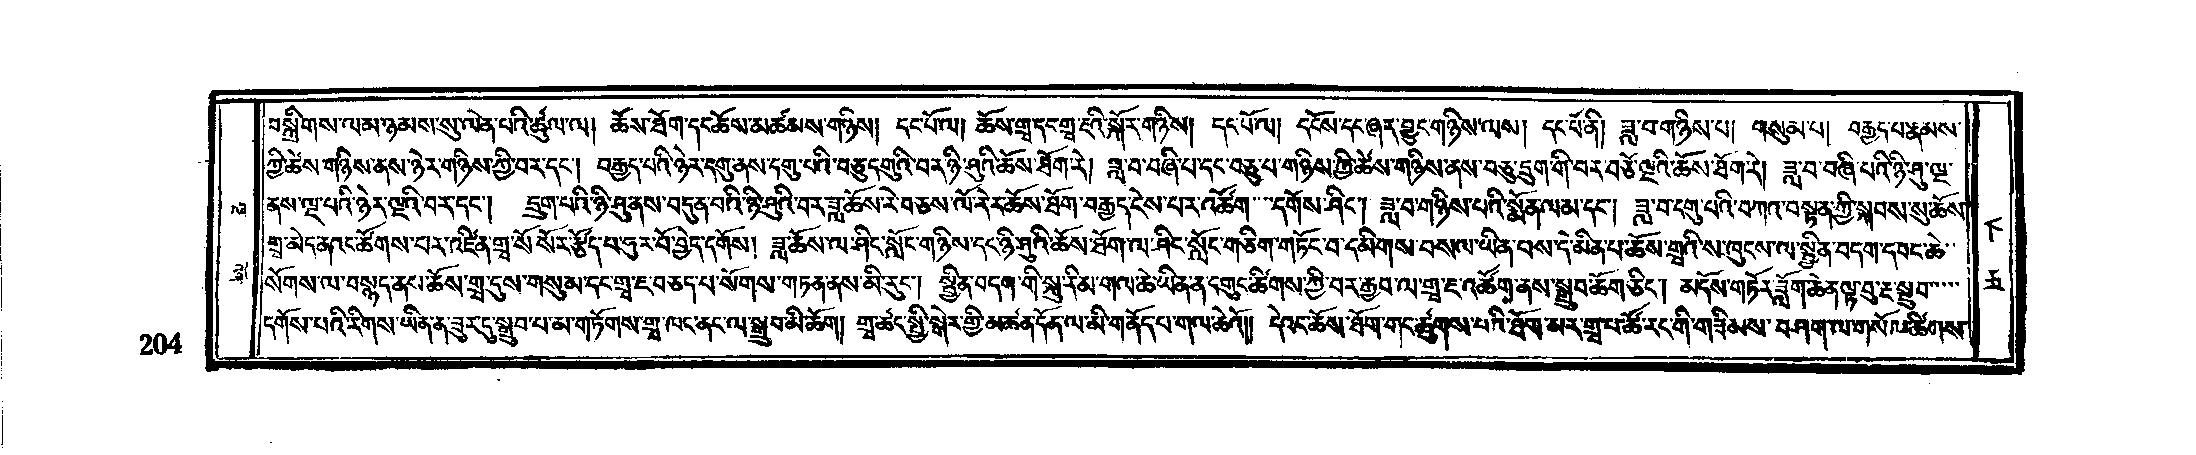བསྒྲིགས་ལམ་ཉམས་སུ་ལེན་པའི་ཚུལ་ལ། ཆོས་ཐོག་དང་ཆོས་མཚམས་གཉིས། དང་པོ་ལ། ཆོས་གྲྭ་དང་གྲྭ་ཇའི་སྐོར་གཉིས། དང་པོ་ལ། དངོས་དང་ཞར་བྱུང་གཉིས་ལས། དང་པོ་ནི། ཟླ་བ་གཉིས་པ། གསུམ་པ། བརྒྱད་པ་རྣམས་
ཀྱི་ཚེས་གཉིས་ནས་ཉེར་གཉིས་ཀྱི་བར་དང་། བརྒྱད་པའི་ཉེར་དགུ་ནས་དགུ་པའི་བཅུ་དགུའི་བར་ཉི་ཤུའི་ཆོས་ཐོག་རེ། ཟླ་བ་བཞི་པ་དང་བཅུ་པ་གཉིས་ཀྱི་ཚེས་གཉིས་ནས་བཅུ་དྲུག་གི་བར་བཅོ་ལྔའི་ཆོས་ཐོག་རེ། ཟླ་བ་བཞི་པའི་ཉི་ཤུ་ལྔ་
ནས་ལྔ་པའི་ཉེར་ལྔའི་བར་དང་། དྲུག་པའི་ཉི་ཤུ་ནས་བདུན་པའི་ཉི་ཤུའི་བར་ཟླ་ཆོས་རེ་བཅས་ལོ་རེར་ཆོས་ཐོག་བརྒྱད་ངེས་པར་འཚོག་དགོས་ཤིང་། ཟླ་བ་གཉིས་པའི་སྨོན་ལམ་དང་། ཟླ་བ་དགུ་པའི་བཀའ་བསྟན་གྱི་སྐབས་སུ་ཆོས་
གྲྭ་མེད་ནའང་ཚོགས་པར་འཛིན་གྲྭ་སོ་སོར་རྩོད་པ་ཧུར་པོ་བྱེད་དགོས། ཟླ་ཆོས་ལ་ཤིང་སློང་གཉིས་དང་ཉི་ཤུའི་ཆོས་ཐོག་ལ་ཤིང་སློང་གཅིག་གཏོང་བ་དམིགས་བསལ་ཡིན་པས་དེ་མིན་པ་ཆོས་གྲྭའི་ས་ཁུངས་ལ་སྦྱིན་བདག་དབང་ཆེ་
སོགས་ལ་བསྙད་ནས་ཆོས་གྲྭ་དུས་གསུམ་དང་གྲྭ་ཇ་བཅད་པ་སོགས་གཏན་ནས་མི་རུང་། སྦྱིན་བདག་གི་སྐུ་རིམ་གལ་ཆེ་ཡིན་ན་དགུང་ཚིགས་ཀྱི་བར་རྒྱབ་ལ་གྲྭ་ཇ་འཚོགས་ནས་སྒྲུབ་ཆོག་ཅིང་། མདོས་གཏོར་ཟློག་ཆེན་ལྟ་བུ་རྔ་སྡུབ་
དགོས་པའི་རིགས་ཡིན་ན་ཟུར་དུ་སྒྲུབ་པ་མ་གཏོགས་གྲྭ་ཁང་ནང་ལ་སྒྲུབ་མི་ཆོག། གྲྭ་ཚང་སྤྱི་སྒེར་གྱི་མཚན་དོན་ལ་མི་གནོད་པ་གལ་ཆེའོ།། དེའང་ཆོས་ཐོག་གང་ཚུགས་པའི་ཐོག་མར་གྲྭ་པ་ཚོ་རང་གི་གཟིམས་བཤག་ལ་གསོལ་ཚིགས་